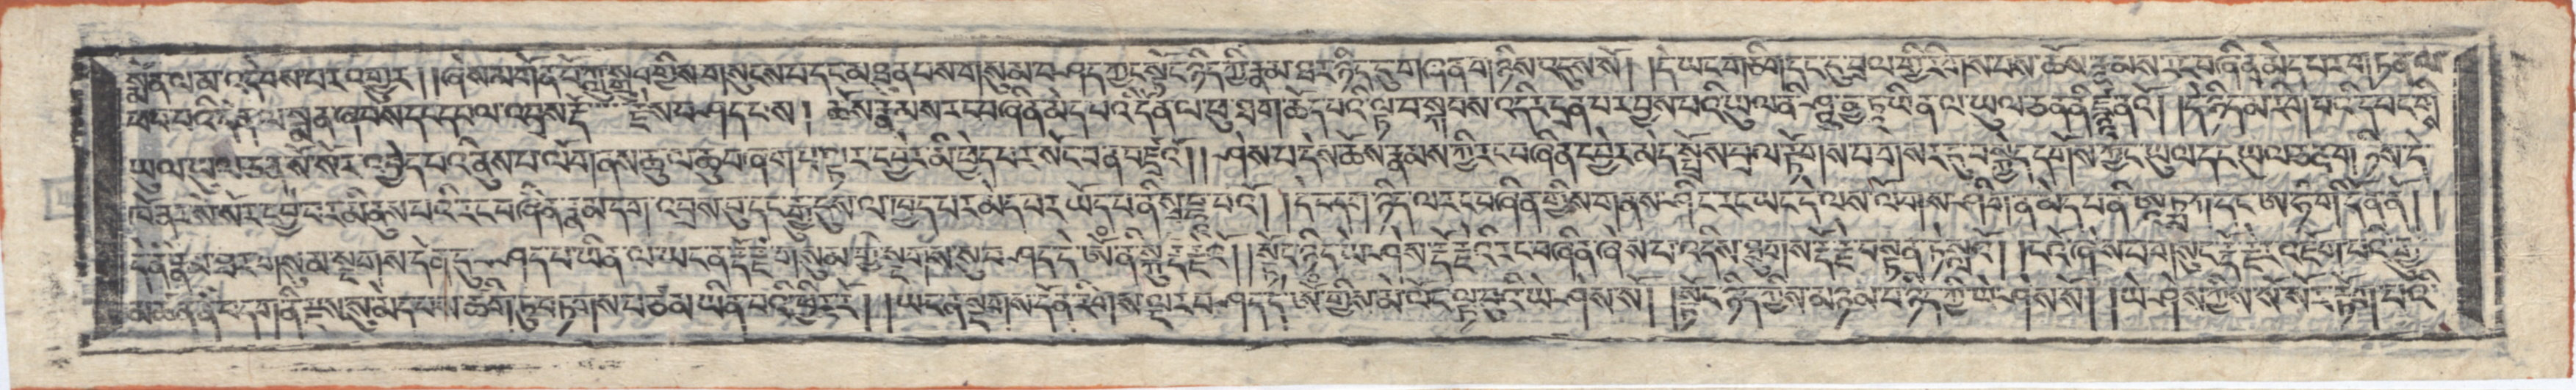སྨོན་ལམ་འདེབས་པར་འགྱུར། །ཞེས་མགོན་པོ་ཀླུ་སྒྲུབ་གྱིས་གསུངས་པ་དང་མཐུན་པས་གསུམ་བཤད་ཀྱང་སྟོང་ཉིད་ཀྱི་རྣམ་ཐར་ཉིད་དུ་གཞན་གཉིས་འདུས་སོ། །དེ་ཡང་གཅིག་དང་དུ་བྲལ་གྱི་རིགས་པས་ཆོས་རྣམས་རང་བཞིན་མེད་པར་གཏན་ལ་
ཕབ་པའི་དོན་ལ་སྨན་ཞབས་དང་དཔལ་འབྲས་རྡོ་རྗེས་བཤད་པས། ཆོས་རྣམས་རང་བཞིན་མེད་པའི་དོན་ལ་ཕུ་ཐག་ཆོད་པའི་ལྟ་བ་སྐབས་འདིར་དྲན་པར་བྱས་པའི་ཡུལ་ནི་ཤཱུ་ནྱ་ཏཱ་ཡིན་ལ་ཡུལ་ཅན་ནི་ཛྙཱ་ནའོ། །དེ་ཉིད་མ་རིག་པའི་དབང་གིས་
ཡུལ་ཡུལ་ཅན་སོ་སོར་འབྱེད་པའི་ནུས་པ་ལོག་ནས་ཆུ་ལ་ཆུ་བཞག་པ་ལྟར་དབྱེར་མི་ཕྱེད་པར་སོང་བ་ན་བཛྲའོ། །ཤེས་པ་དེས་ཆོས་རྣམས་ཀྱི་རང་བཞིན་དབྱེར་མེད་སྤྲོས་བྲལ་རྟོགས་པ་གསར་དུ་བསྐྱེད་དགོས་ཀྱང་ཡུལ་དང་ཡུལ་ཅན་གཉིས་དེ་
ཁོ་ནར་སོ་སོར་དབྱེ་བར་མི་ནུས་པའི་རང་བཞིན་རྣམ་དག་འབྲས་བུ་དང་རྒྱུ་དུས་ལ་ཁྱད་པར་མེད་པར་ཡོད་པ་ནི་སྭ་བྷཱ་བའོ། །དེ་བདག་ཉིད་ལ་རང་བཞིན་གྱིས་གནས་ཤིང་རང་ཡང་དེ་ལས་ལོགས་ཤིག་ན་མེད་པ་ནི་ཨཱཏྨ་ཀ་དང་ཨ་ཧཾ་གི་དོན་ནོ། །
དེ་ནི་རྣམ་ཐར་གསུམ་སྔགས་དོན་དུ་བཤད་པ་ཡིན་ལ་ཡང་ན་རྡོ་རྗེ་གསུམ་གྱི་སྔགས་སུ་བཤད་དེ་ཨོཾ་ནི་སྐུ་རྡོ་རྗེའོ། །སྟོང་ཉིད་ཡི་ཤེས་རྡོ་རྗེའི་རང་བཞིན་ཞེས་པ་འདིས་ཐུགས་རྡོ་རྗེ་བསྟན་ཏེ་སླའོ། །ངའོ་ཞེས་པ་གསུང་རྡོ་རྗེར་འཇོག་པའི་རྒྱུ་
མཚན་ནི་བདག་ནི་རྫས་སུ་མེད་པས་ཚིག་ཏུ་བཏགས་པ་ཙམ་ཡིན་པའི་ཕྱིར་རོ། །ཡང་ན་སྔགས་དོན་རིགས་ལྔར་བཤད་དེ་ཨོཾ་གྱིས་མེ་ལོང་ལྟ་བུའི་ཡེ་ཤེས་སོ། །སྟོང་ཉིད་ཀྱིས་མཉམ་པ་ཉིད་ཀྱི་ཡེ་ཤེས་སོ། །ཡེ་ཤེས་ཀྱིས་སོ་སོར་རྟོག་པའི་